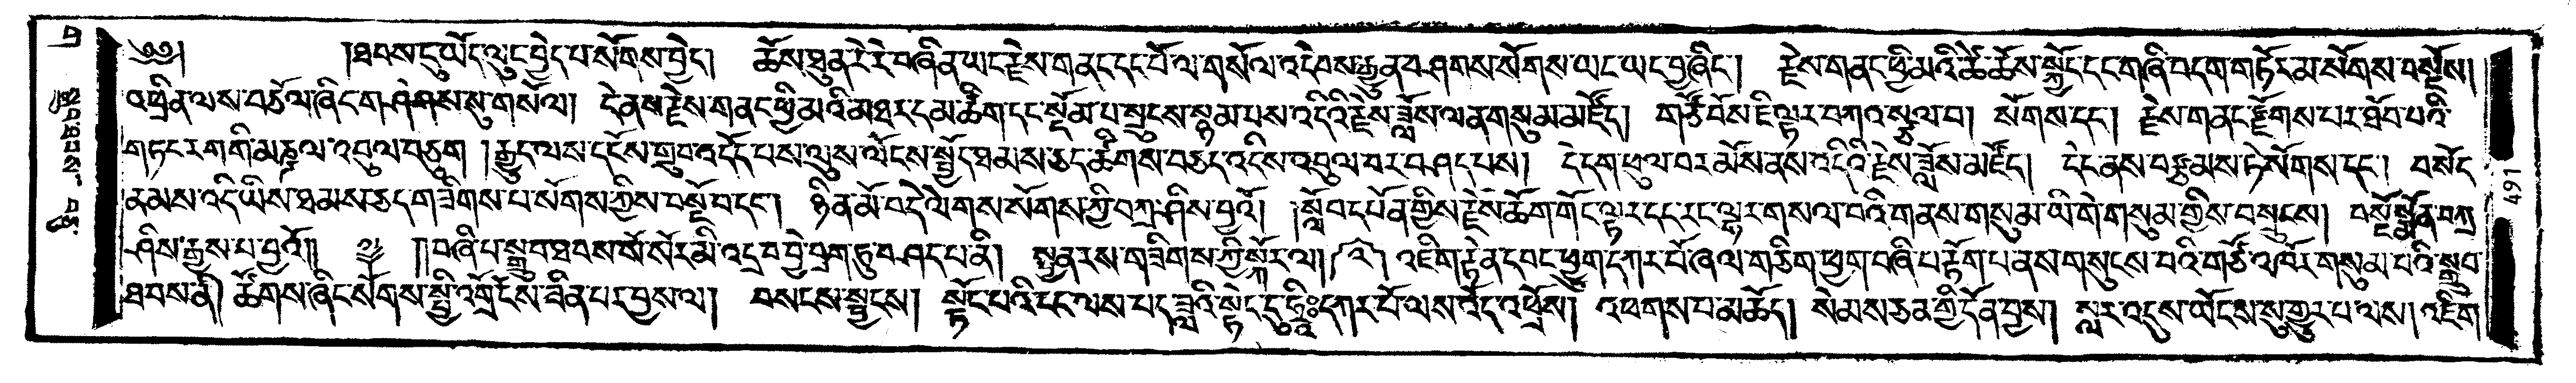༄༅། །ཐབས་དུ་ཡོད་ལུང་བྱེད་པ་སོགས་བྱེད། ཆོས་ཐུན་རེ་རེ་བཞིན་ཡང་རྗེས་གནང་དང་པོ་ལ་གསོལ་འདེབས་རྒྱུན་བཤགས་སོགས་ཡང་ཡང་བྱ་ཞིང་། རྗེས་གནང་ཕྱི་མའི་ཚེ་ཆོས་སྐྱོང་དང་གཞི་བདག་གཏོར་མ་སོགས་བསྔོས།
འཕྲིན་ལས་བཅོལ་ཞིང་གཤེགས་སུ་གསོལ། དེ་ནས་རྗེས་གནང་ཕྱི་མའི་མཐར་དམ་ཚིག་དང་སྡོམ་པ་སྲུངས་སྙམ་པས་འདིའི་རྗེས་ཟློས་ལན་གསུམ་མཛོད། གཙོ་བོས་ཇི་ལྟར་བཀའ་སྩལ་པ། སོགས་དང་། རྗེས་གནང་རྫོགས་པར་ཐོབ་པའི་
གཏང་རག་གི་མཎྜལ་འབུལ་བཅུག །རྒྱུད་ལས་དངོས་གྲུབ་འདོད་པས་ལུས་ལོངས་སྤྱོད་ཐམས་ཅད་ཚིགས་བཅད་འདིས་འབུལ་བར་བཤད་པས། དེ་དག་ཕུལ་བར་མོས་ནས་འདིའི་རྗེས་ཟློས་མཛོད། དེང་ནས་བརྩམས་ཏེ་སོགས་དང་། བསོད་
ནམས་འདི་ཡིས་ཐམས་ཅད་གཟིགས་པ་སོགས་ཀྱིས་བསྔོ་བ་དང་། ཉིན་མོ་བདེ་ལེགས་སོགས་ཀྱི་བཀྲ་ཤིས་བྱའོ། །སློབ་དཔོན་གྱིས་རྗེས་ཆོག་གོང་ལྟར་དང་རང་ལྷར་གསལ་བའི་གནས་གསུམ་ཡི་གེ་གསུམ་གྱིས་བསྲུངས། བསྔོ་སྨོན་བཀྲ་
ཤིས་རྒྱས་པ་བྱའོ།། ༈ །།བཞི་པ་སྒྲུབ་ཐབས་སོ་སོར་མི་འདྲ་བ་བྱེ་བྲག་ཏུ་བཤད་པ་ནི། སྤྱན་རས་གཟིགས་ཀྱི་སྐོར་ལ། ༢?་འཇིག་རྟེན་དབང་ཕྱུག་དཀར་པོ་ཞལ་གཅིག་ཕྱག་བཞི་པ་རྟོག་པ་ནས་གསུངས་པའི་གཙོ་འཁོར་གསུམ་པའི་སྒྲུབ་
ཐབས་ནི། ཚོགས་ཞིང་སོགས་སྤྱི་འགྲོ་ངོས་ཟིན་པར་བྱས་ལ། བསངས་སྦྱངས། སྟོང་པའི་ངང་ལས་པད་ཟླའི་སྟེང་དུ་ཧྲཱིཿདཀར་པོ་ལས་འོད་འཕྲོས། འཕགས་པ་མཆོད། སེམས་ཅན་གྱི་དོན་བྱས། སླར་འདུས་ཡོངས་སུ་གྱུར་པ་ལས། འཇིག་